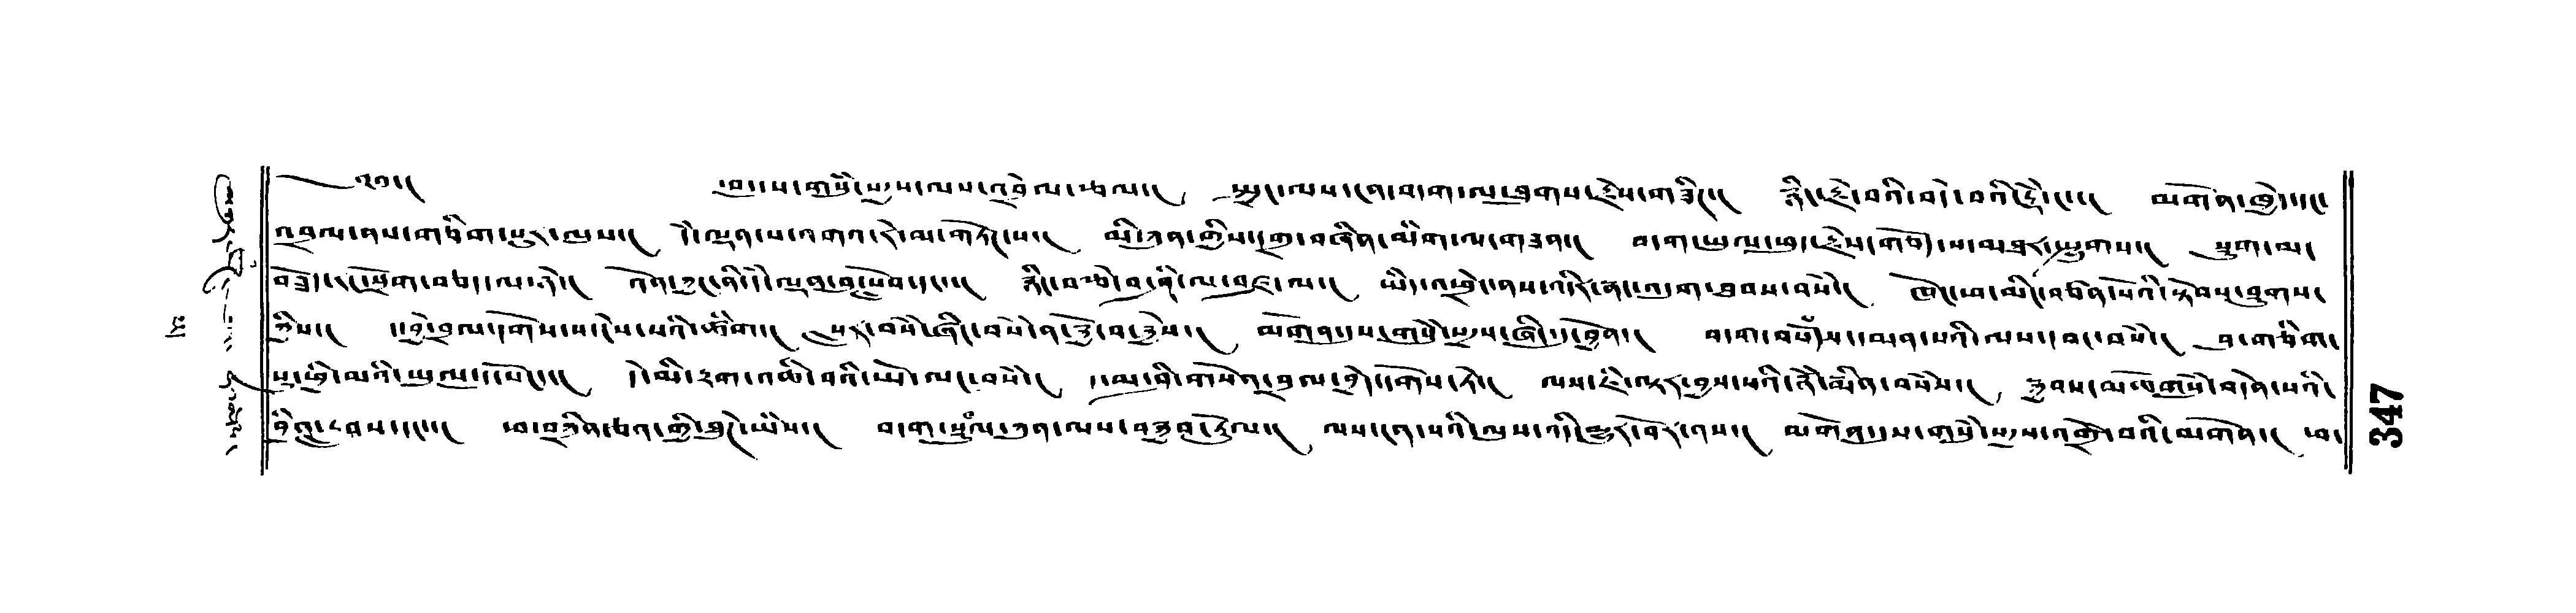ཕ་དུས་གསུམ་སངས་རྒྱས་ལས་འབྲེལ་རྩལ། །སྤྲང་ལས་ངན་བདག་ལ་ཐུགས་རྗེས་གཟིགས། །སྙིང་རྗེ་བའི་བདེ་བའི་རྡོ་རྗེ་ང་། །མགོན་ཁྱེད་དང་
འབྲལ་ནས་གཅིག་པུར་ལུས། །དམ་ལྡན་པ་འགའ་རེ་མ་གཏོགས་པ། །མི་ཀུན་གྱིས་དགྲ་བཞིན་མིག་ལ་གཟན། །བདག་ཡུལ་ཕུད་རྗེས་གཅོད་ས་མཐར་སྤྱུགས། །སྡུག་མ་
བཟོད་རང་སྲོག་བཅད་ལ་ཉེ། །འོན་ཀྱང་ནི་དམ་ལྡན་བུ་སློབ་དང་། །སྙིང་བརྩེ་བ་ཤཱི་ལ་བཛྲ་ལ། །ཡིད་འཕྲེང་ནས་འདིར་སྣང་འདུག་ཐབས་བསམ།ཁོང་ཕ་མིང་བཙན་པོའི་སྟོབས་ཤུགས་
ཀྱིས། །ད་བྱེ་བྲལ་དགོས་པ་ངེས་པའི་ཚིག །སླར་བསམ་ཞིག་བསམ་ན་སྐྱོ་བ་སྐྱེས། །མགོན་དུས་གསུམ་སངས་རྒྱས་ཞིང་དུ་བྱོན། །བདག་བསོད་ནམས་དམན་པའི་ལས་དབང་བསམ། །བུ་གཅིག་
པུ་ཕྱི་མའི་ཡུལ་དུ་སོང་། །དེ་མི་རྟག་འཆི་བའི་ཡོ་ལང་བསམ། །ད་མ་ཤི་གསོན་བྲལ་བྱེད་དགོས་ཏེ། །ལས་ཇི་ལྟར་བྱས་པའི་རྣམ་སྨོན་བསམས། །སྐྱབས་མཆོག་གསུམ་བདེན་པའི་
བྱིན་རླབས་དང་། །ཕ་བཀྲིན་ཅན་གྱིས་ཐུགས་རྗེ་ཡིས། །བདག་སྡུག་བསྔལ་ཀུན་ལས་བསྐྱབ་ཏུ་གསོལ། །ལན་ངན་པའི་ལུས་འདི་མྱུར་བོར་ནས། །མགོན་དུས་གསུམ་སངས་རྒྱས་འགྲོ་བའི་མགོན། །ཕ་